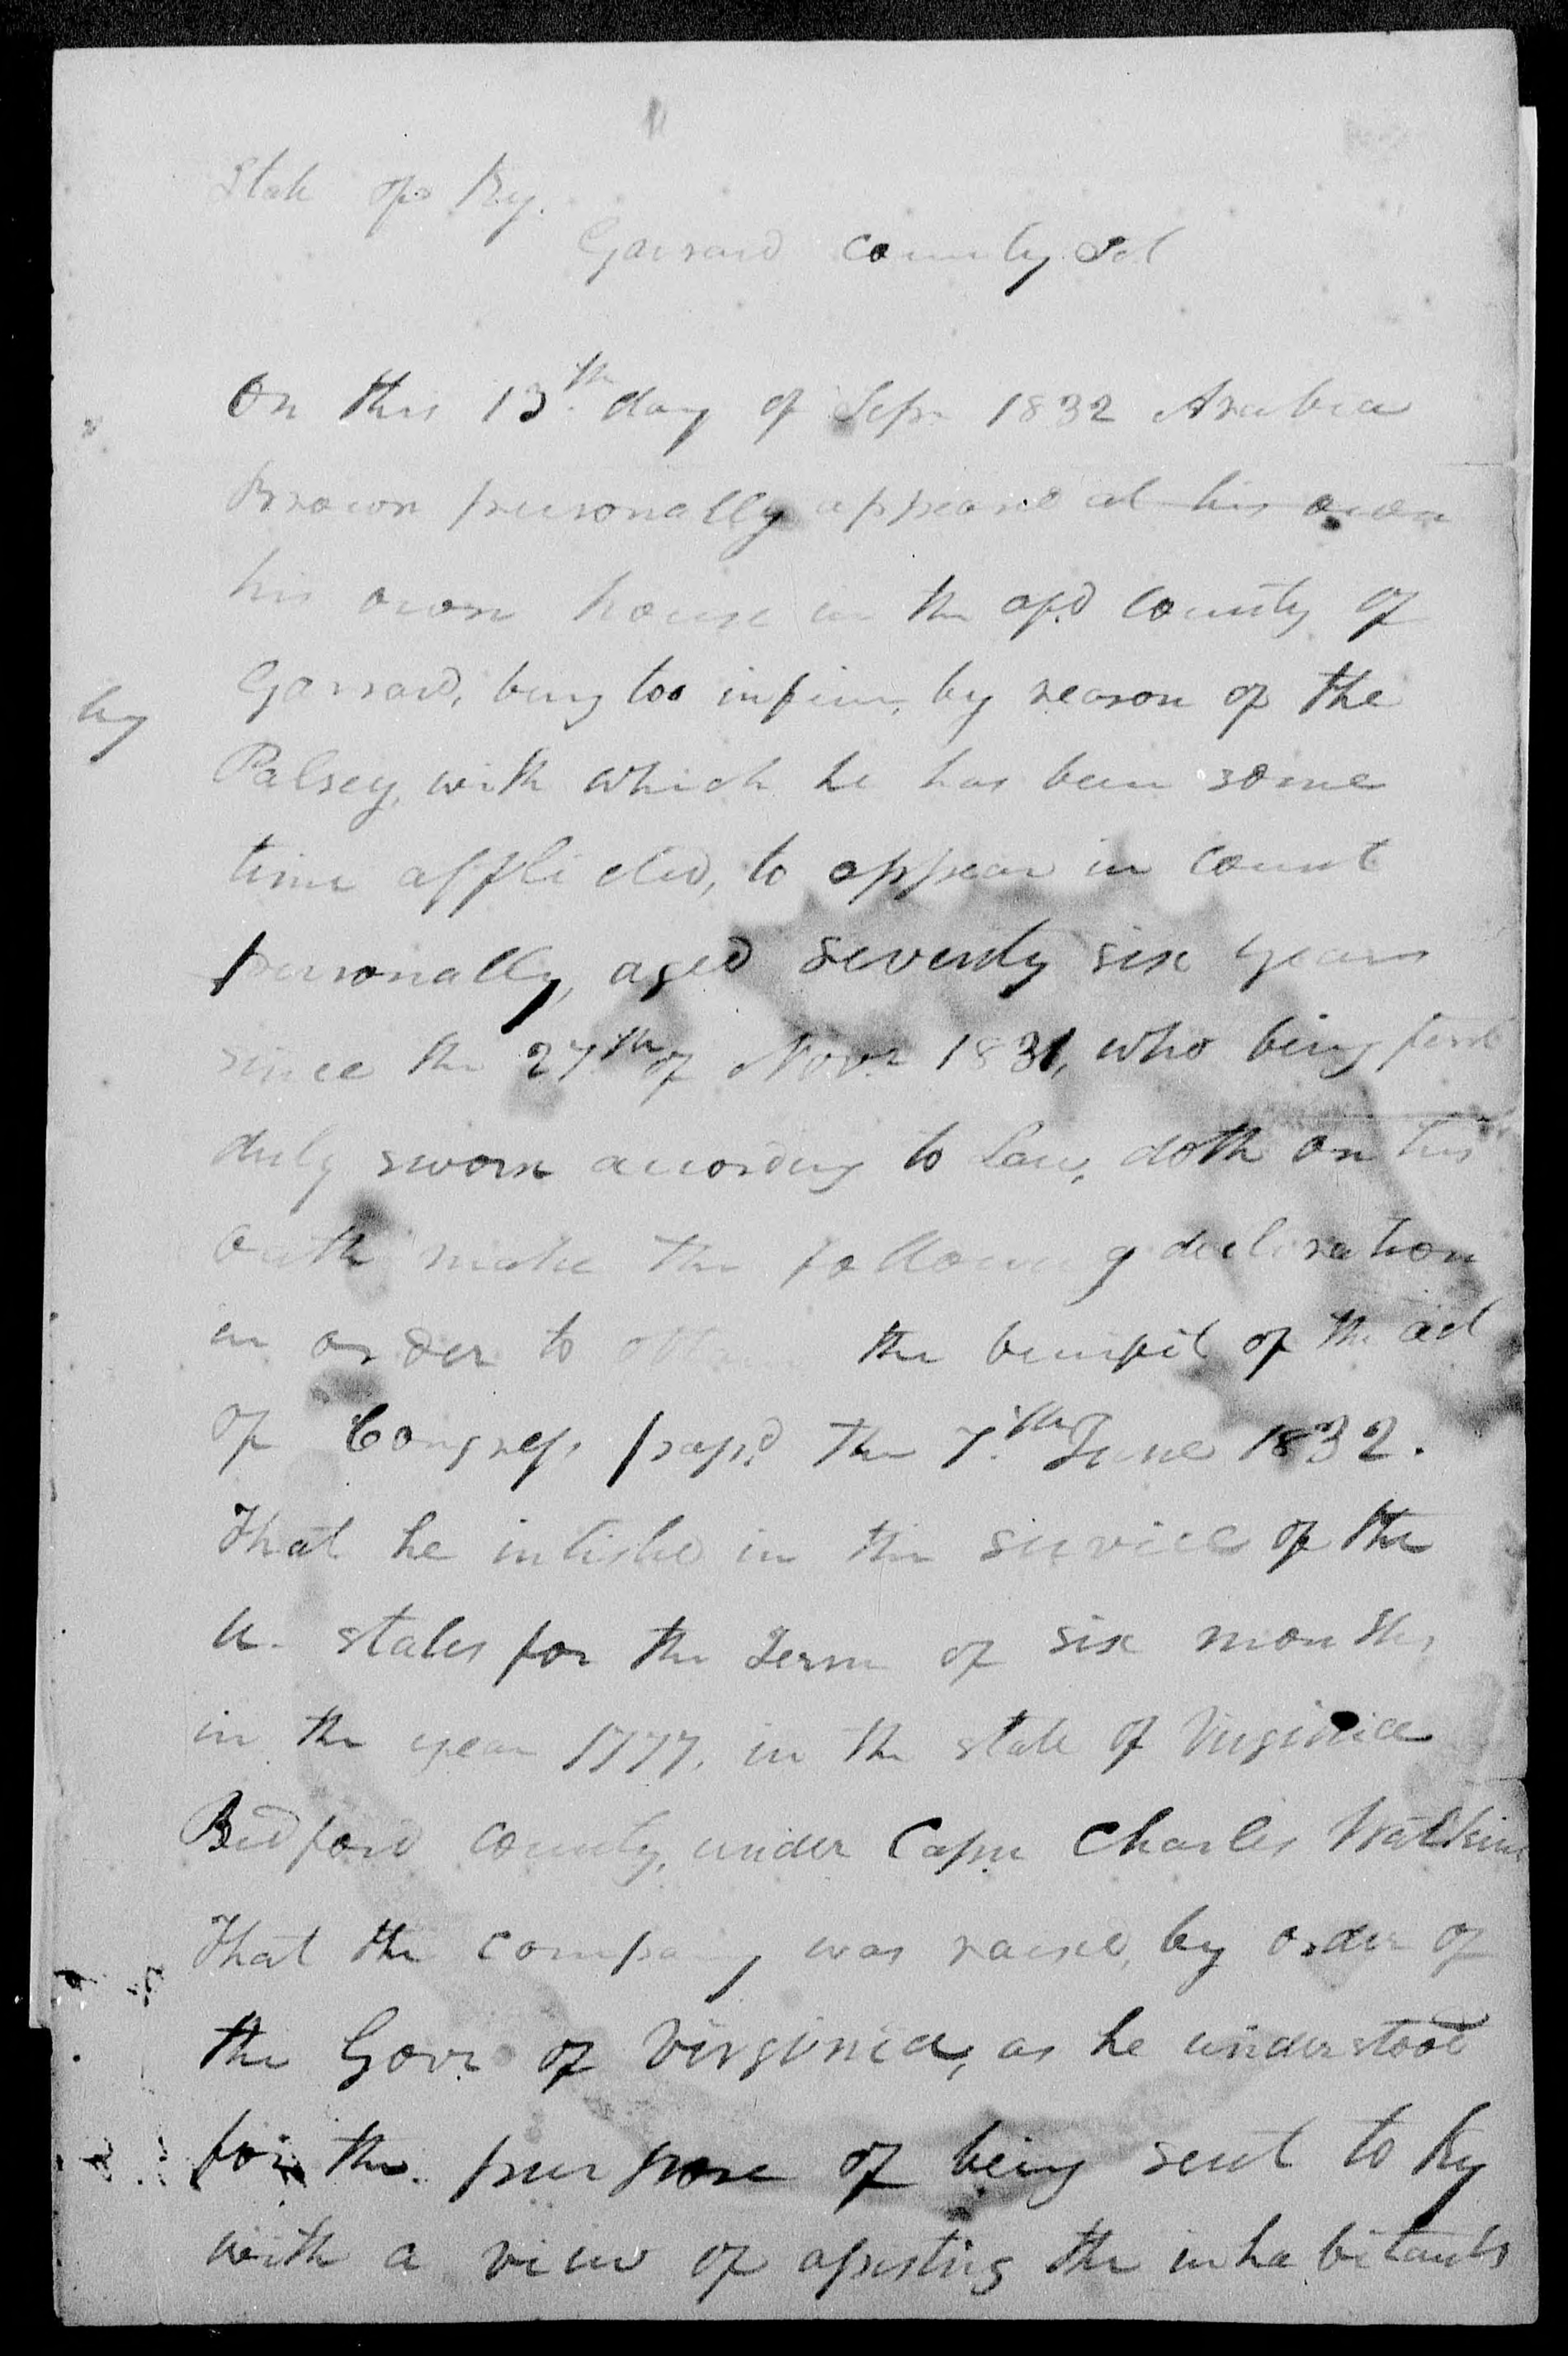State of Ky, Garrard county set
On this 12th day of Sept 1832 Arabia Brown personally appeared at  his own house in the afs county of Garrard, being too infirm by reason of the palsy with which he has been some time afflicted to appear in court personally, aged seventy six years since the 27th of Nov 1831, who being first duly sworn according to law, doth on his oath make the following declaration an order to obtain the benefit of the act of Congress ?? the 7th June 1832. That he enlisted in the service of the U. States for the term of six months in the year 1777 in the state of Virginia, Bedford county under Capt Charles Watkins. The the company was raised by order of the Gov of Virginia as he understood for this purpose of being sent to Ky with a view of appointing the inhabitants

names: Arabia Brown, Charles Watkins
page: 6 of 65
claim: widow's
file: W. 8384, Arabia Brown, Va.